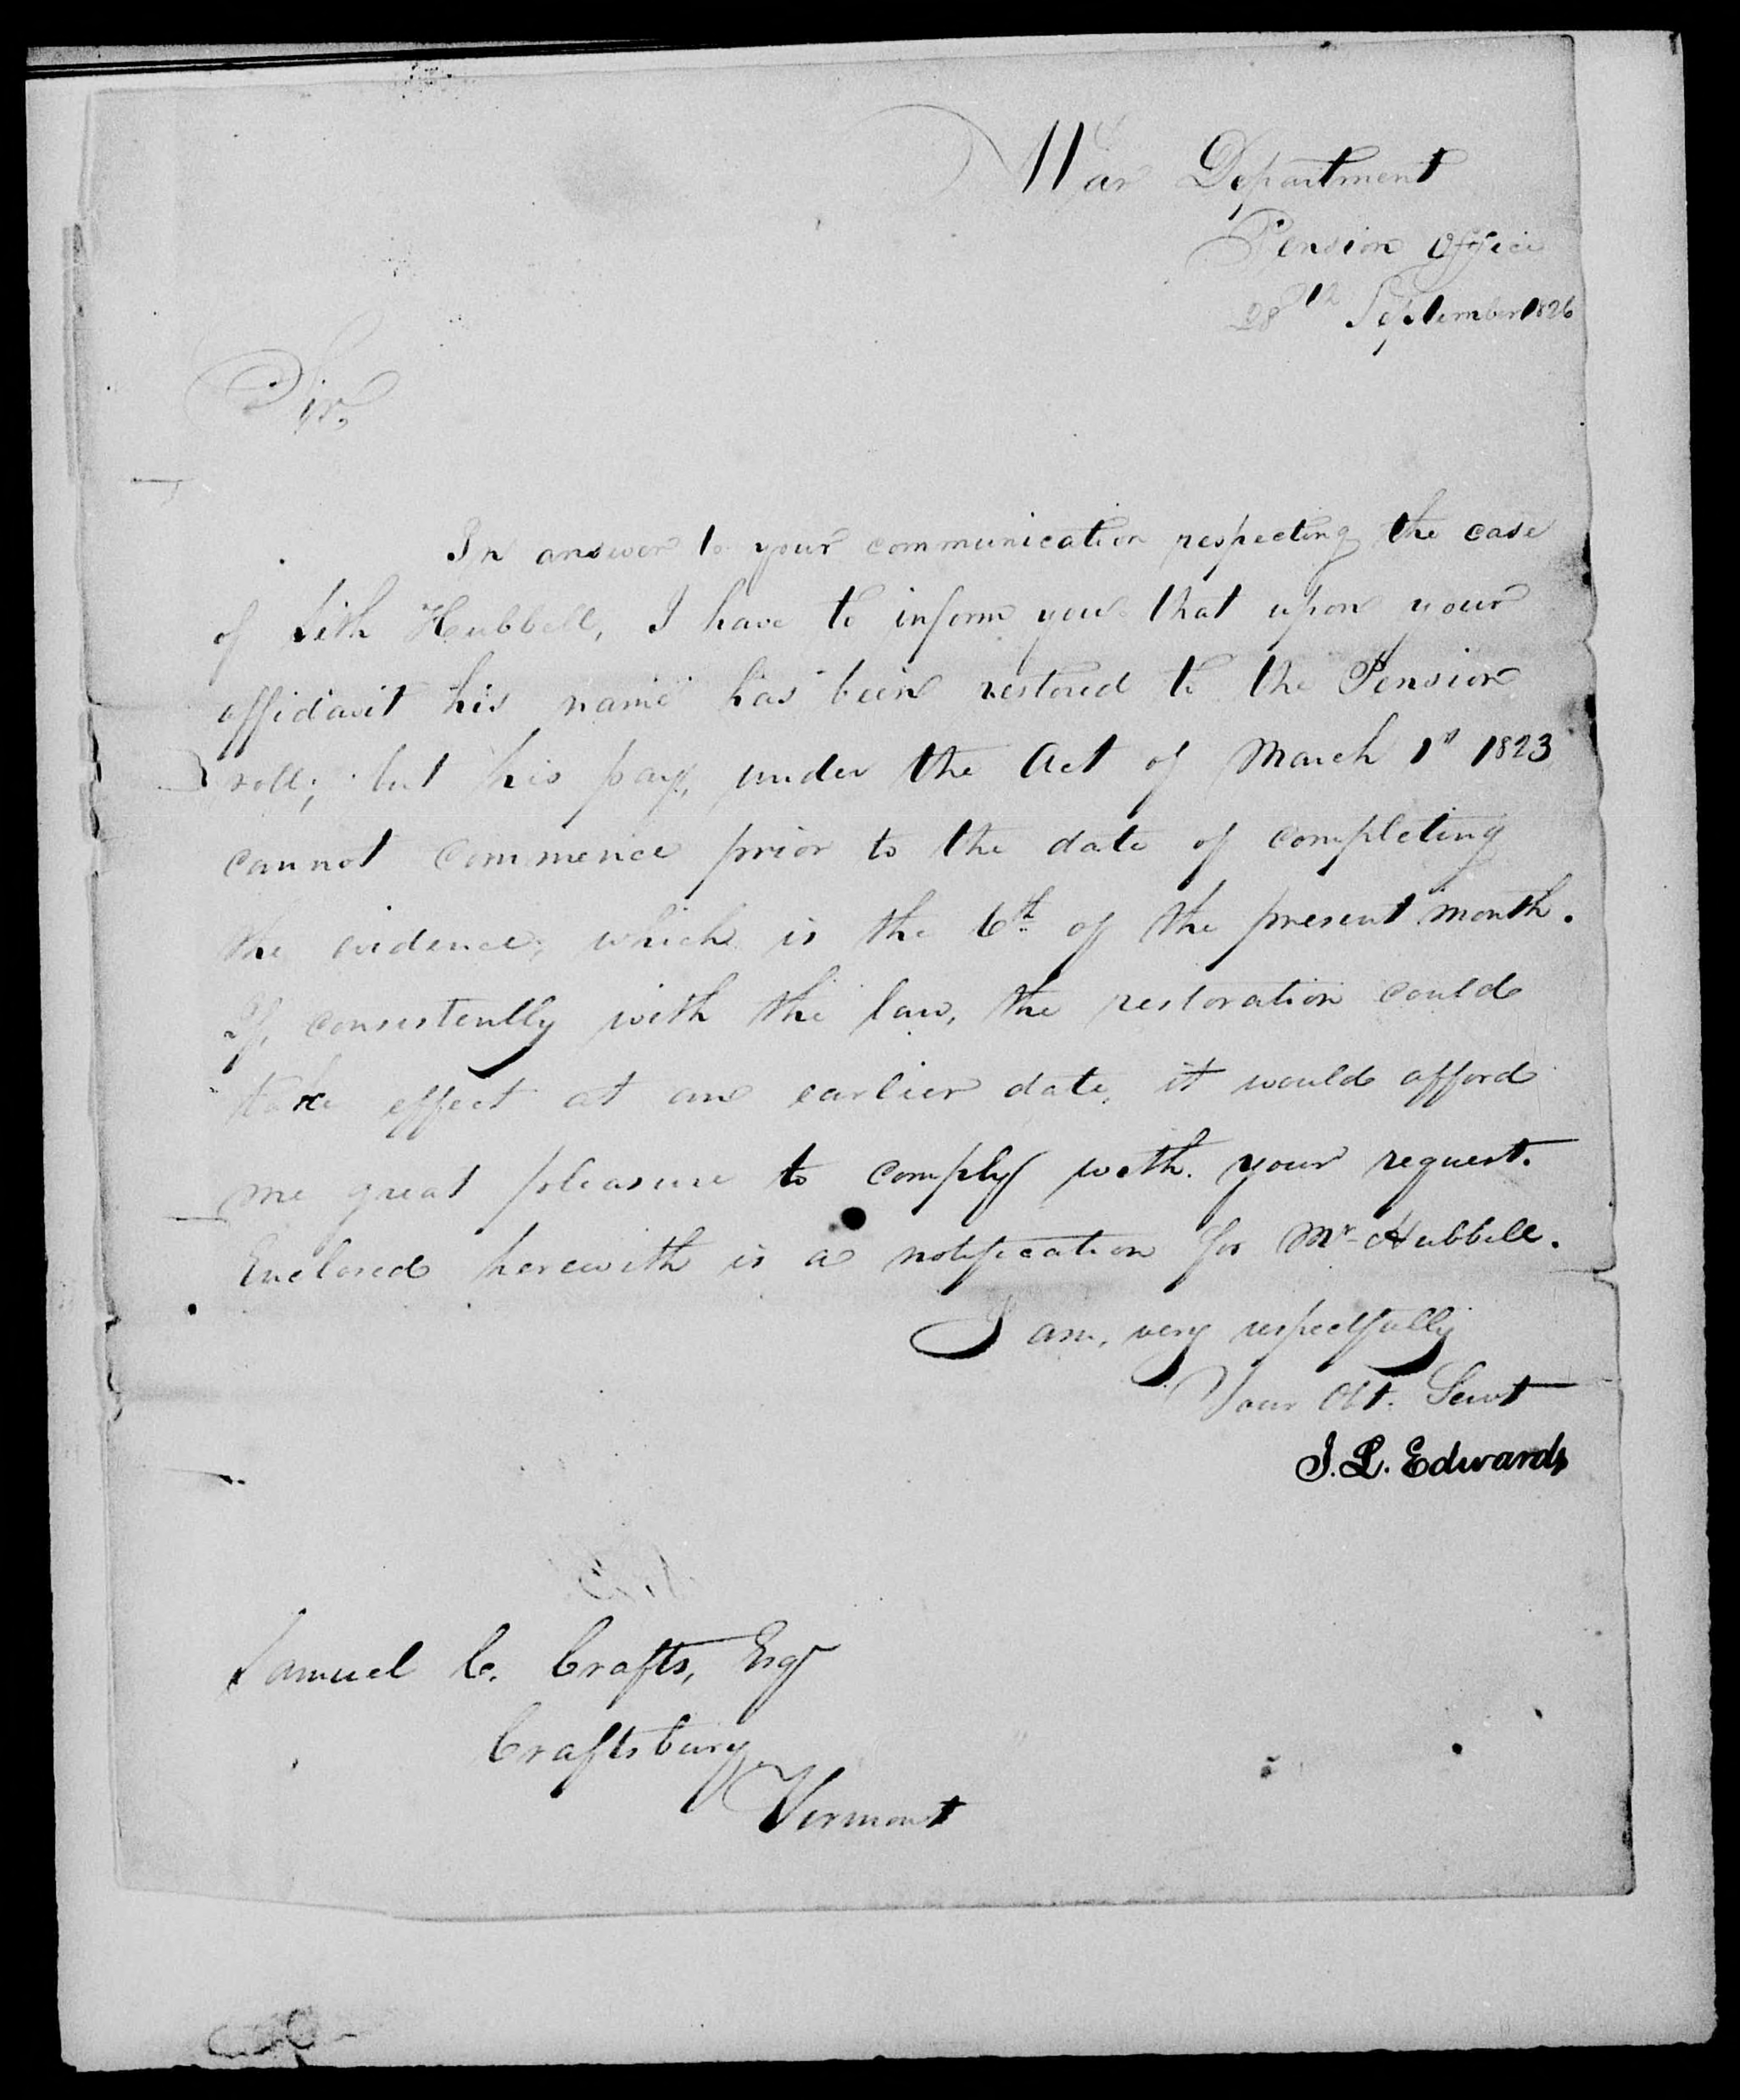War Department
Pension Office
28th September 1826

Sir,
In answer to your communication respecting the case of Seth Hubbell, I have to inform you that upon your affidavit his name has been restored to the Pension roll; but his pay under the Act of March 1st 1823 cannot commence prior to the date of completing the evidence, which is the 6th of the present month. If, consistently with the law, the restoration could take effect at an earlier date, it would afford me great pleasure to comply with your request. Enclosed herewith is a notification for Mr- Hubbell.
I am, very respectfully
Your Obt. Servant
J.L. Edwards

Samuel C. Crafts, Esq
Craftsbury
Vermont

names: Seth Hubbell, J L Edwards, Samuel C Crafts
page: 30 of 114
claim: widow's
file: W. 2115, Seth Hubbell, Conn.